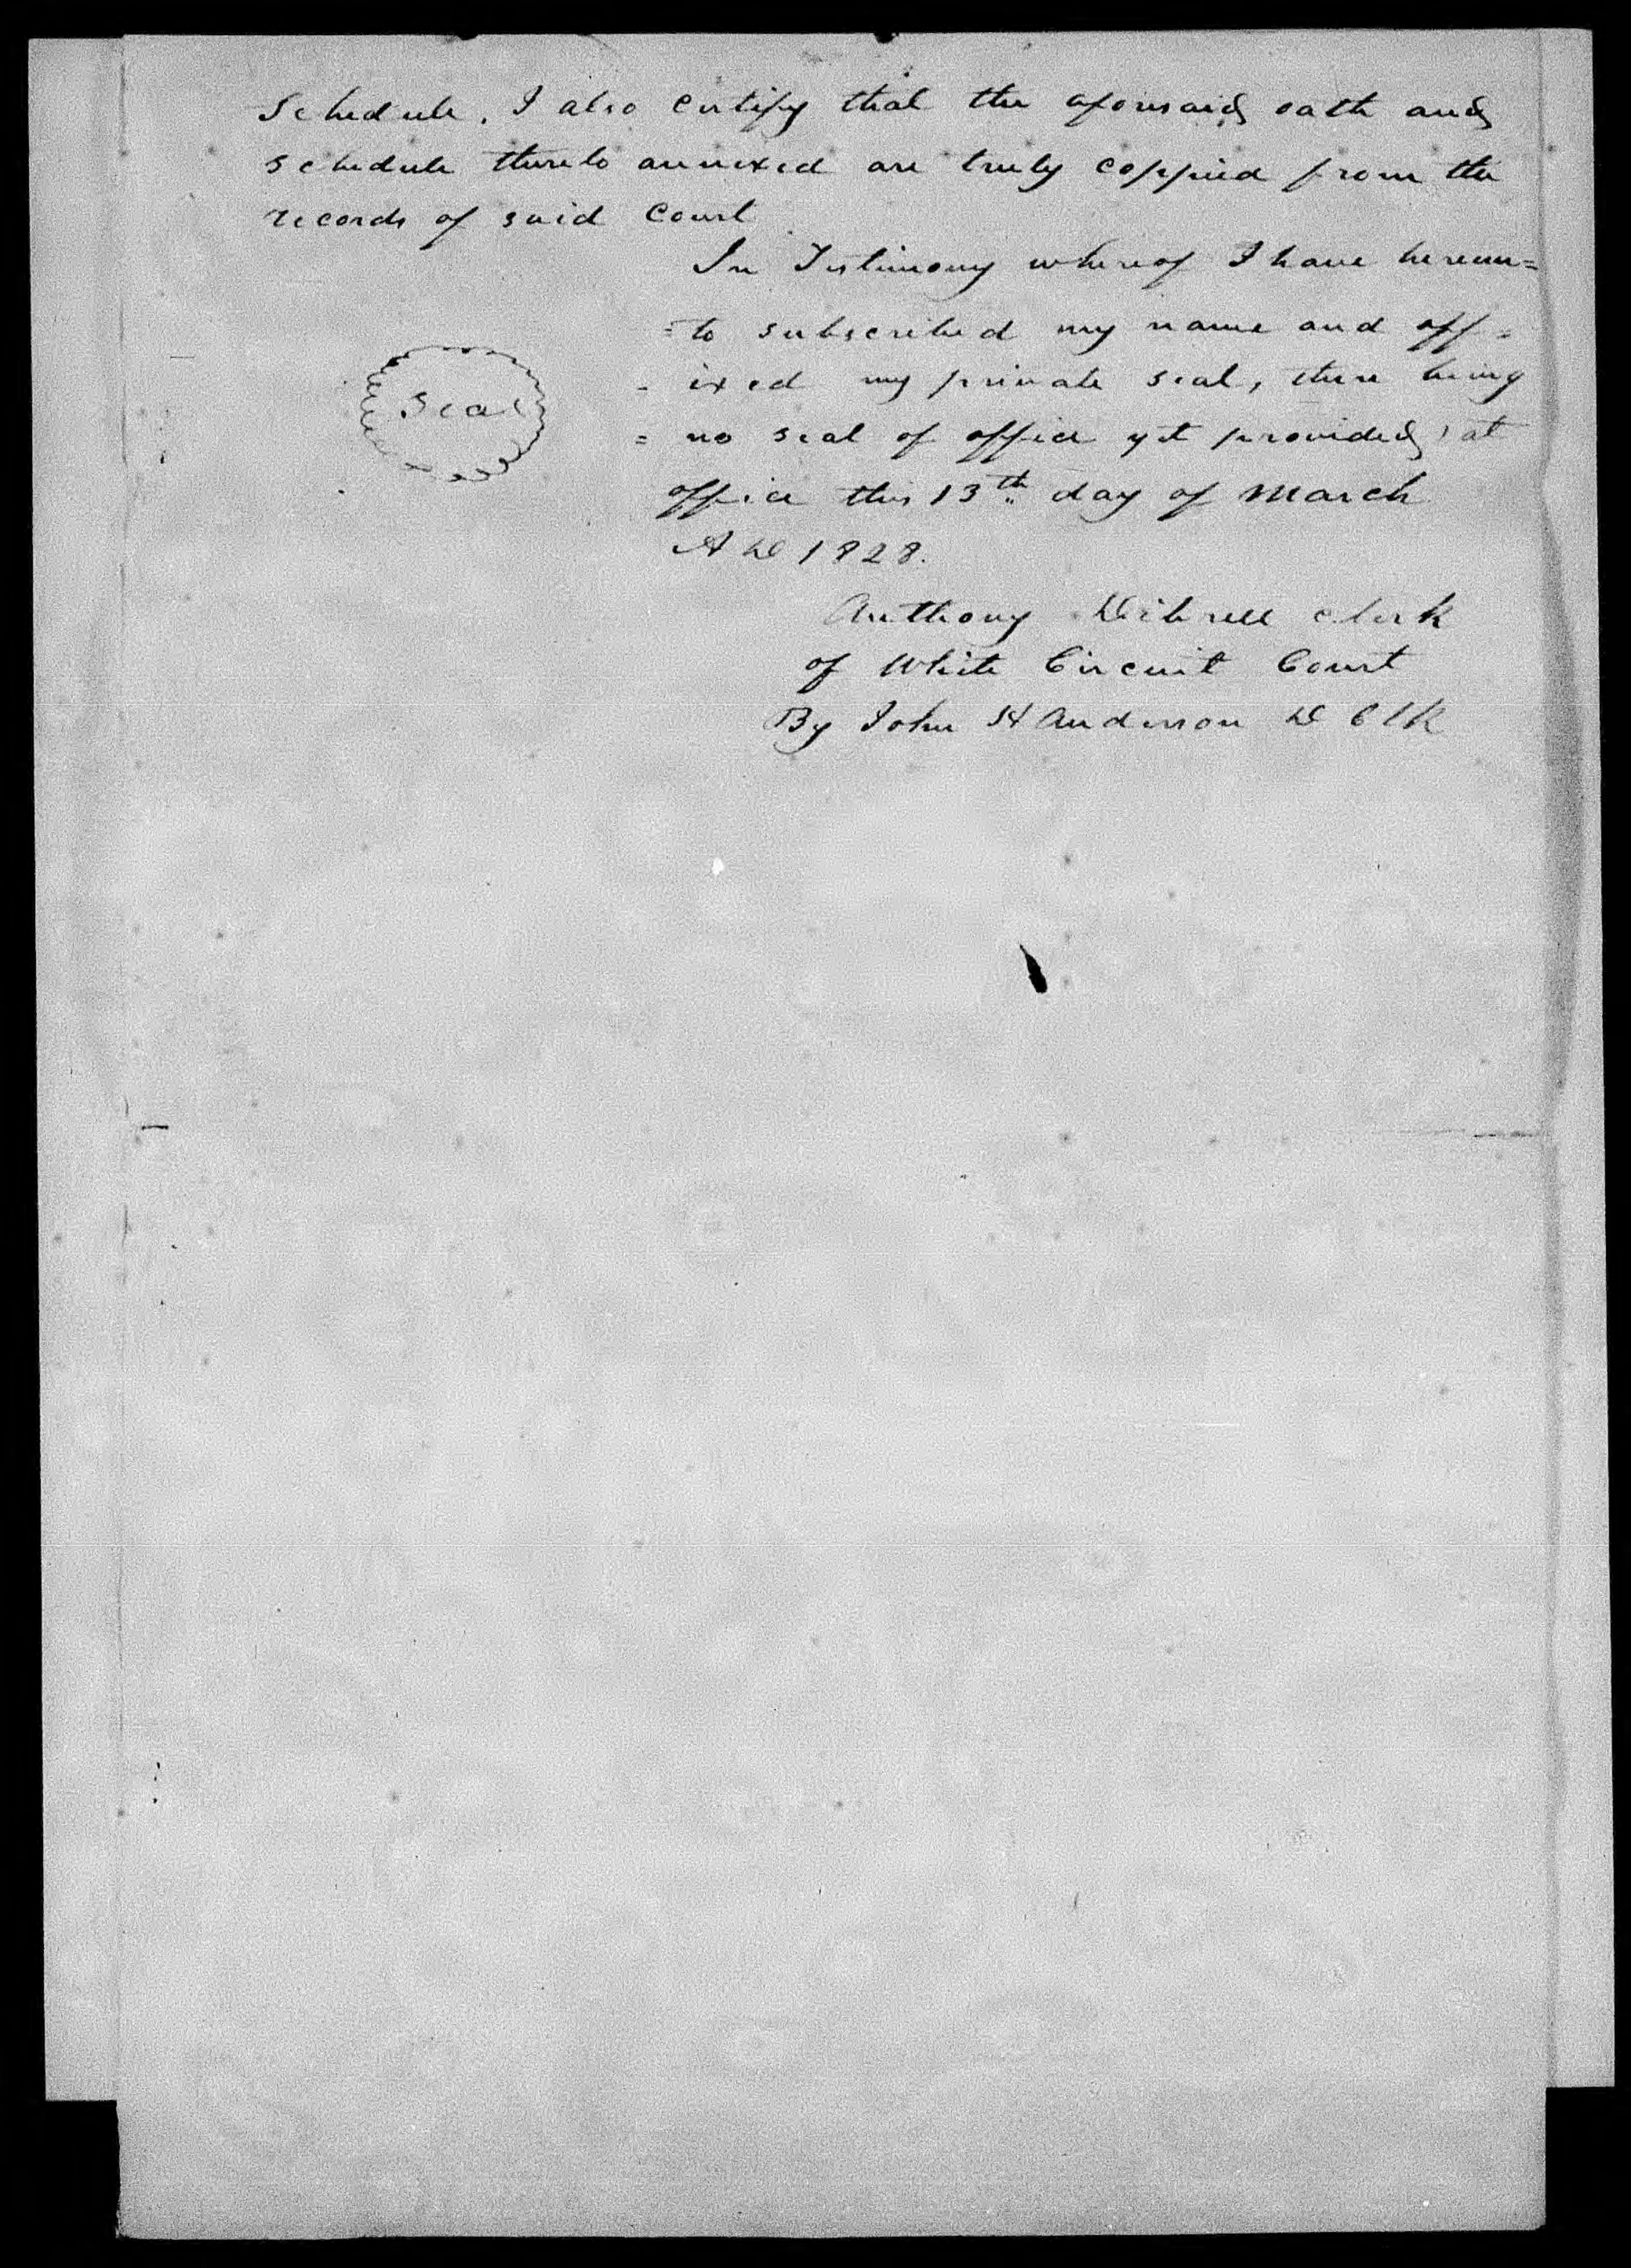Schedule, I also verify that the aforesaid oath and schedule thereto annexed are truly coppied (sic) from the records of said court.
(seal)
     In Testimony whereof I have hereunto subscribed my name and affixed my private seal, there being no seal of office yet provided at office this 13th day of March AD 1828.
        Anthony Dibrell clerk
        of White Circuit Court
        By John H. Anderson D Clk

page: 8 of 9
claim: survivor's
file: S. 38,936, for William Mc Culloch, Virginia